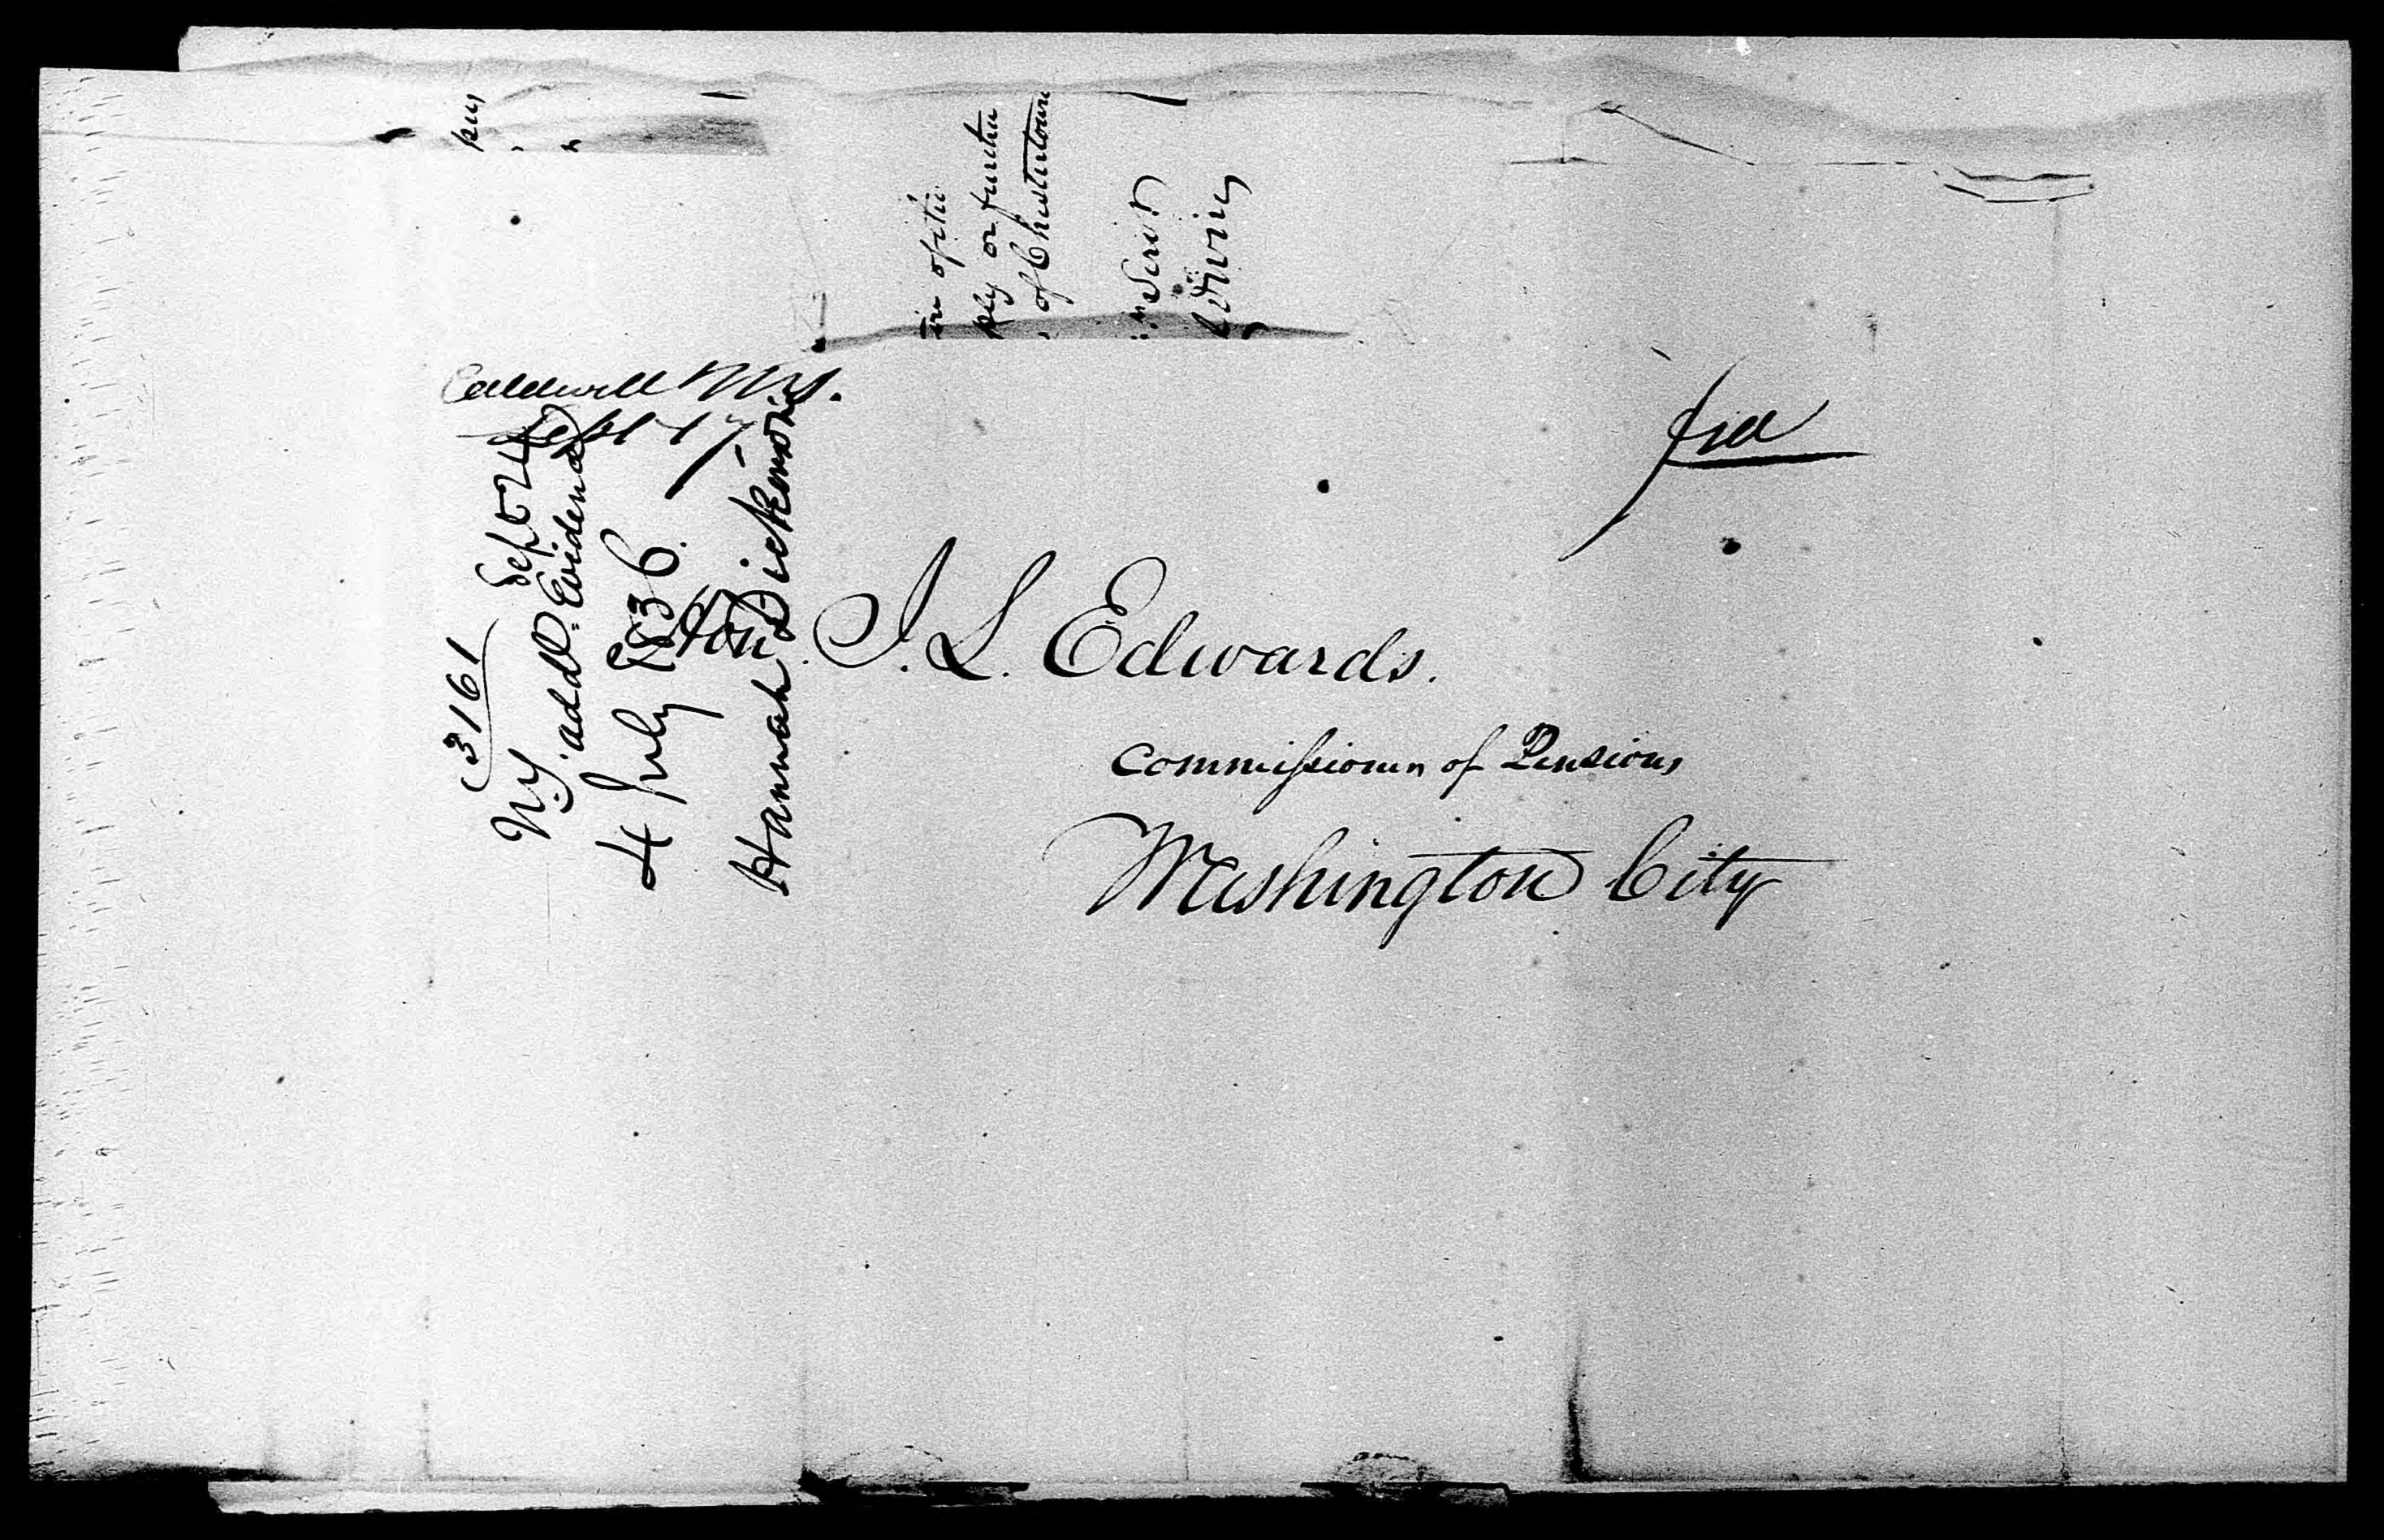free

Hon. J. L. Edwards
Commissioner of Pensions
Washington City

Caldwell N.Y. 

3161
N.Y. Sept 24
addl Evidence
4 July 1836
Hannah Dickinson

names: Hannah Dickinson, J L Edwards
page: 35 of 60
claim: widow's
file: W 16,955, Samuel Dickinson, Conn.